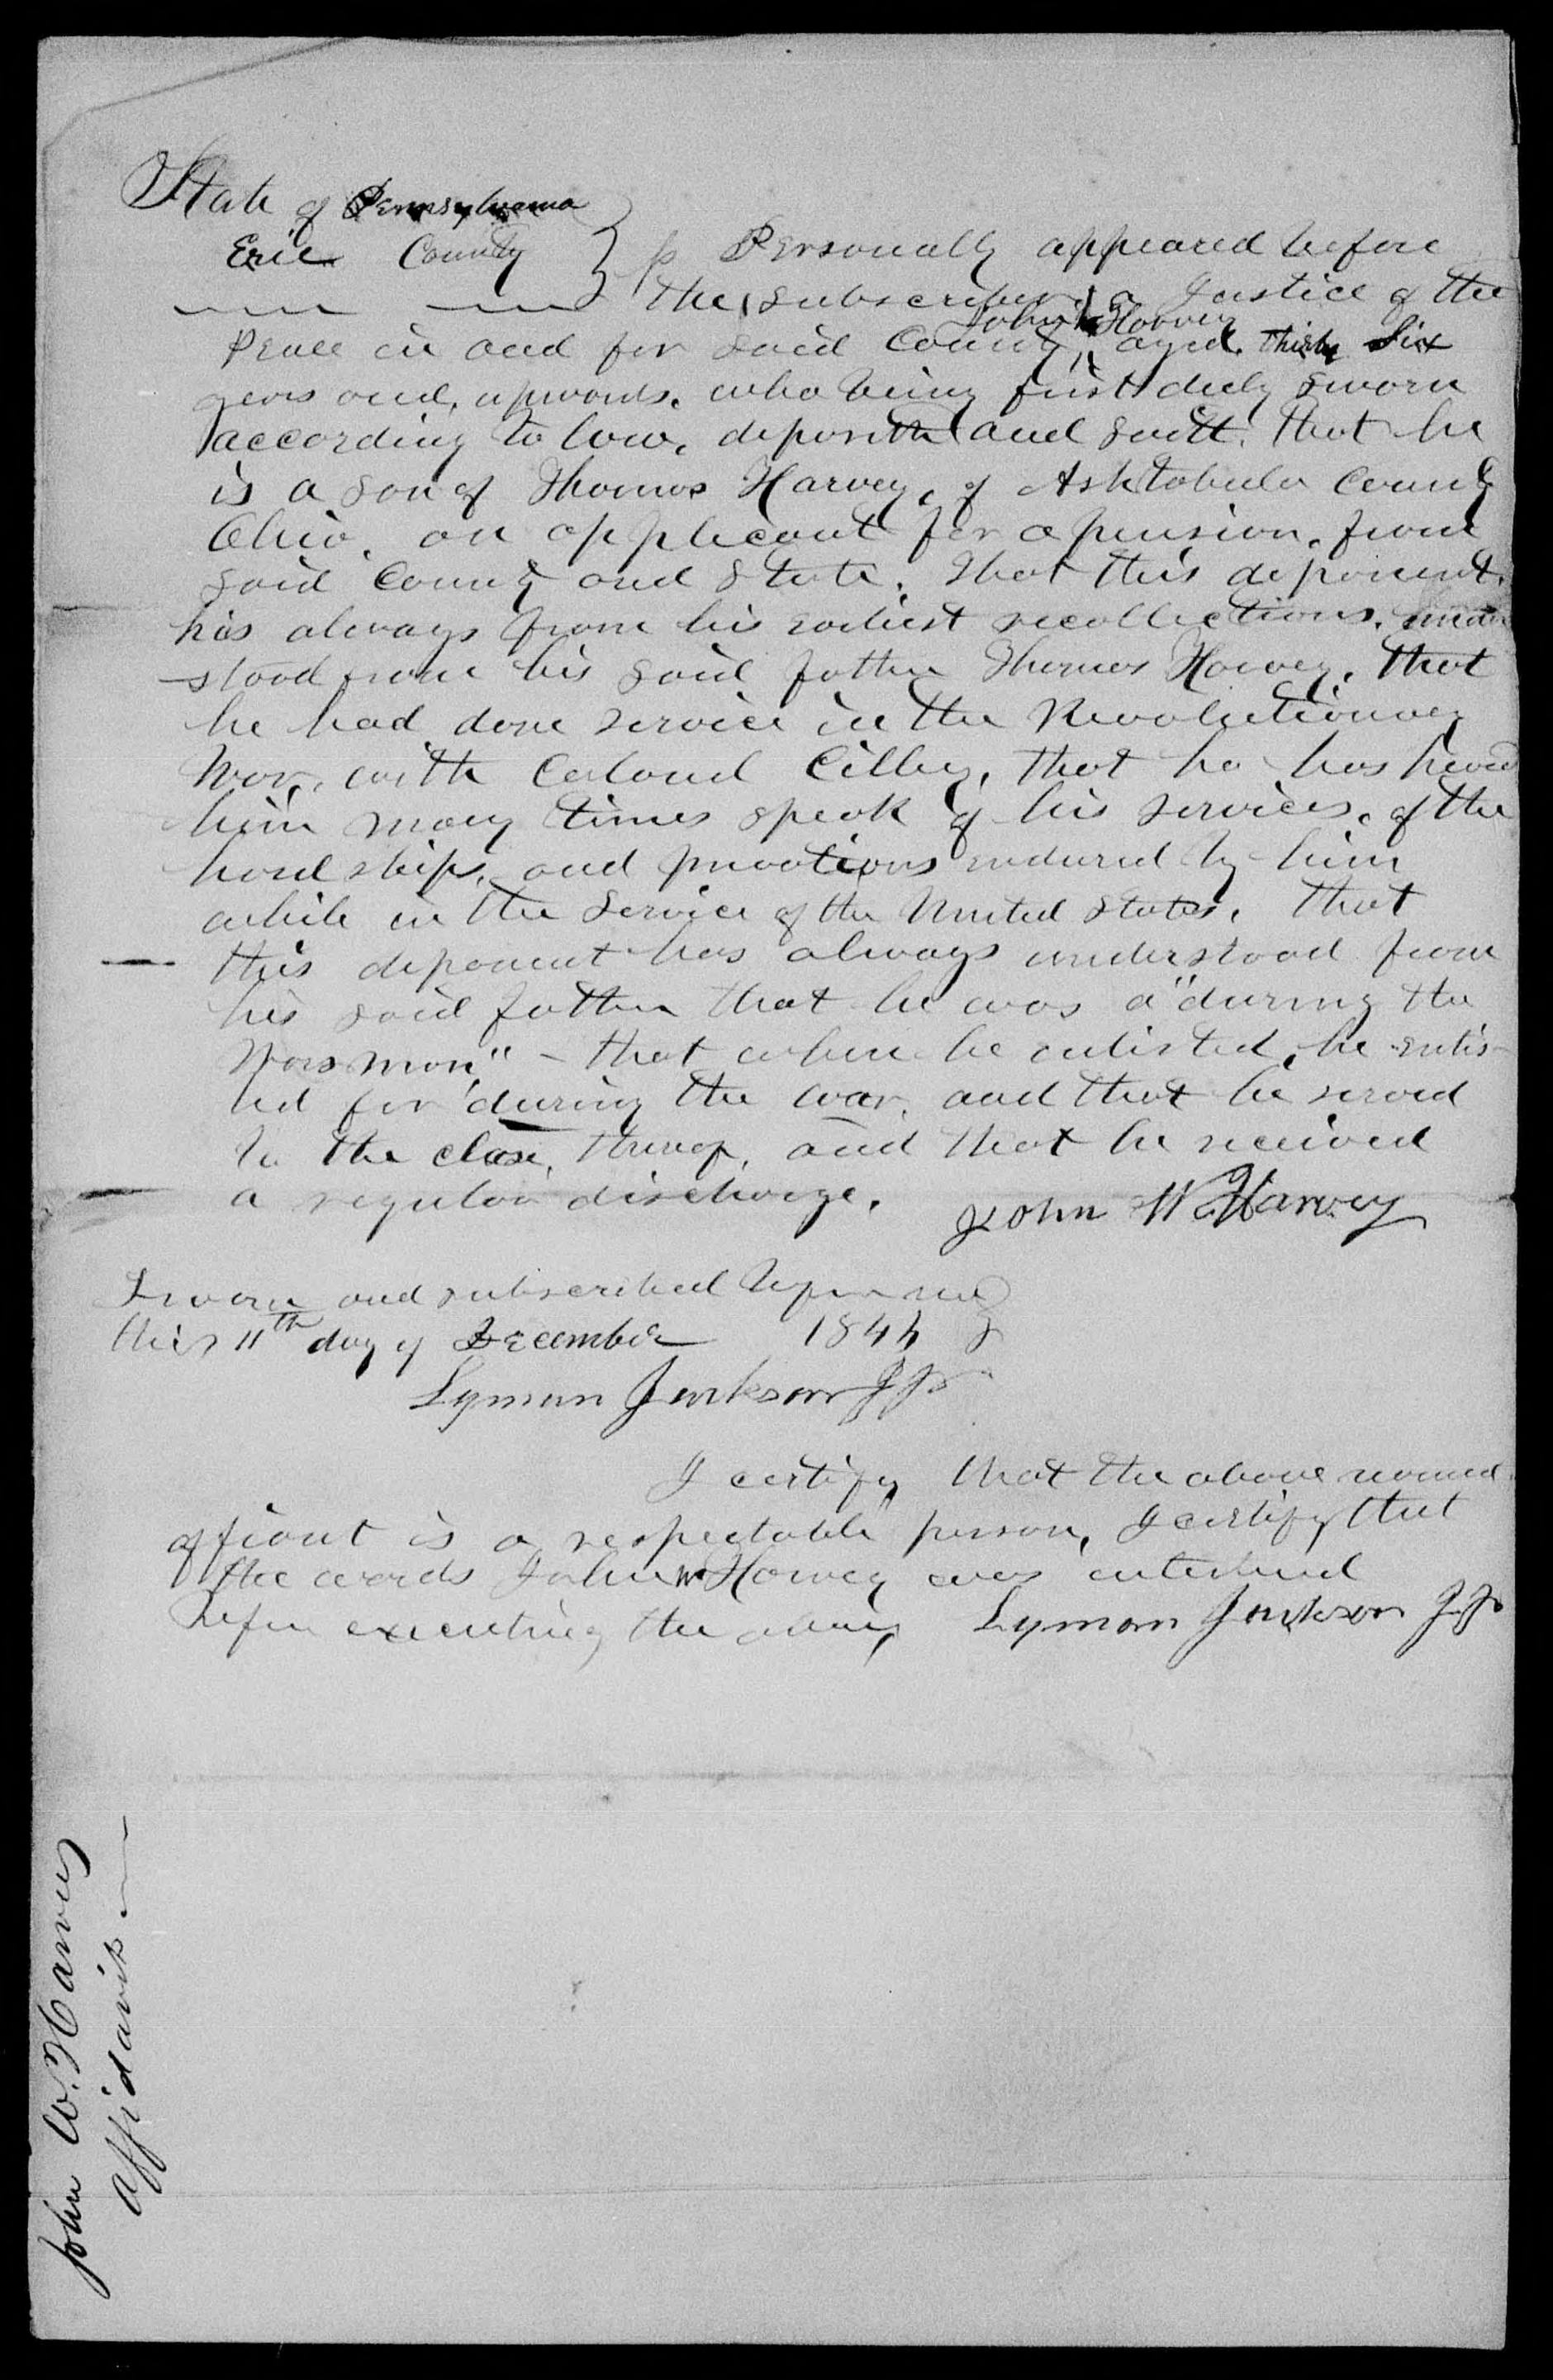State of Pennsylvania
Erie County} ss Personally appeared before the subscriber a Justice of the Peace in and for said County John W. Harvey thirty six years and upwards, who being first duly sworn according to law, deposeth and saith, that he is a son of Thomas Harvey of Ashtabula County Ohio, an applicant for a pension, from said County and State. That this deponent has always from his earliest recollections, understood from his said father Thomas Harvey, that he had done service in the Revolutionary War, with Colonel Cilley, that he has heard him many times speak of his services, of the hardships, and privations endured by him while in the service of the United States. that this deponent has always understood from his said father that he was a "during the Wars man," - that when he enlisted, he entered for during the war, and that he served to the close thereof, and that he received a regular discharge.
/s/John W. Harvey
Sworn and subscribed before me this 11th day of December 1846
/s/Lyman Jackon JP
I certify that the above named affiant is a respectable person. I certify that the words John W. Harvey were interlined before executing the above
/s/Lyman Jackson JP
John W. Harvey affidavit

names: Lyman Jackson, John W Harvey, Thomas Harvey, Lyman Jackson, John W Harvey, John W Harvey, Thomas Harvey, John W Harvey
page: 15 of 80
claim: survivor's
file: S. 18008, Thomas Harvey, N.H.